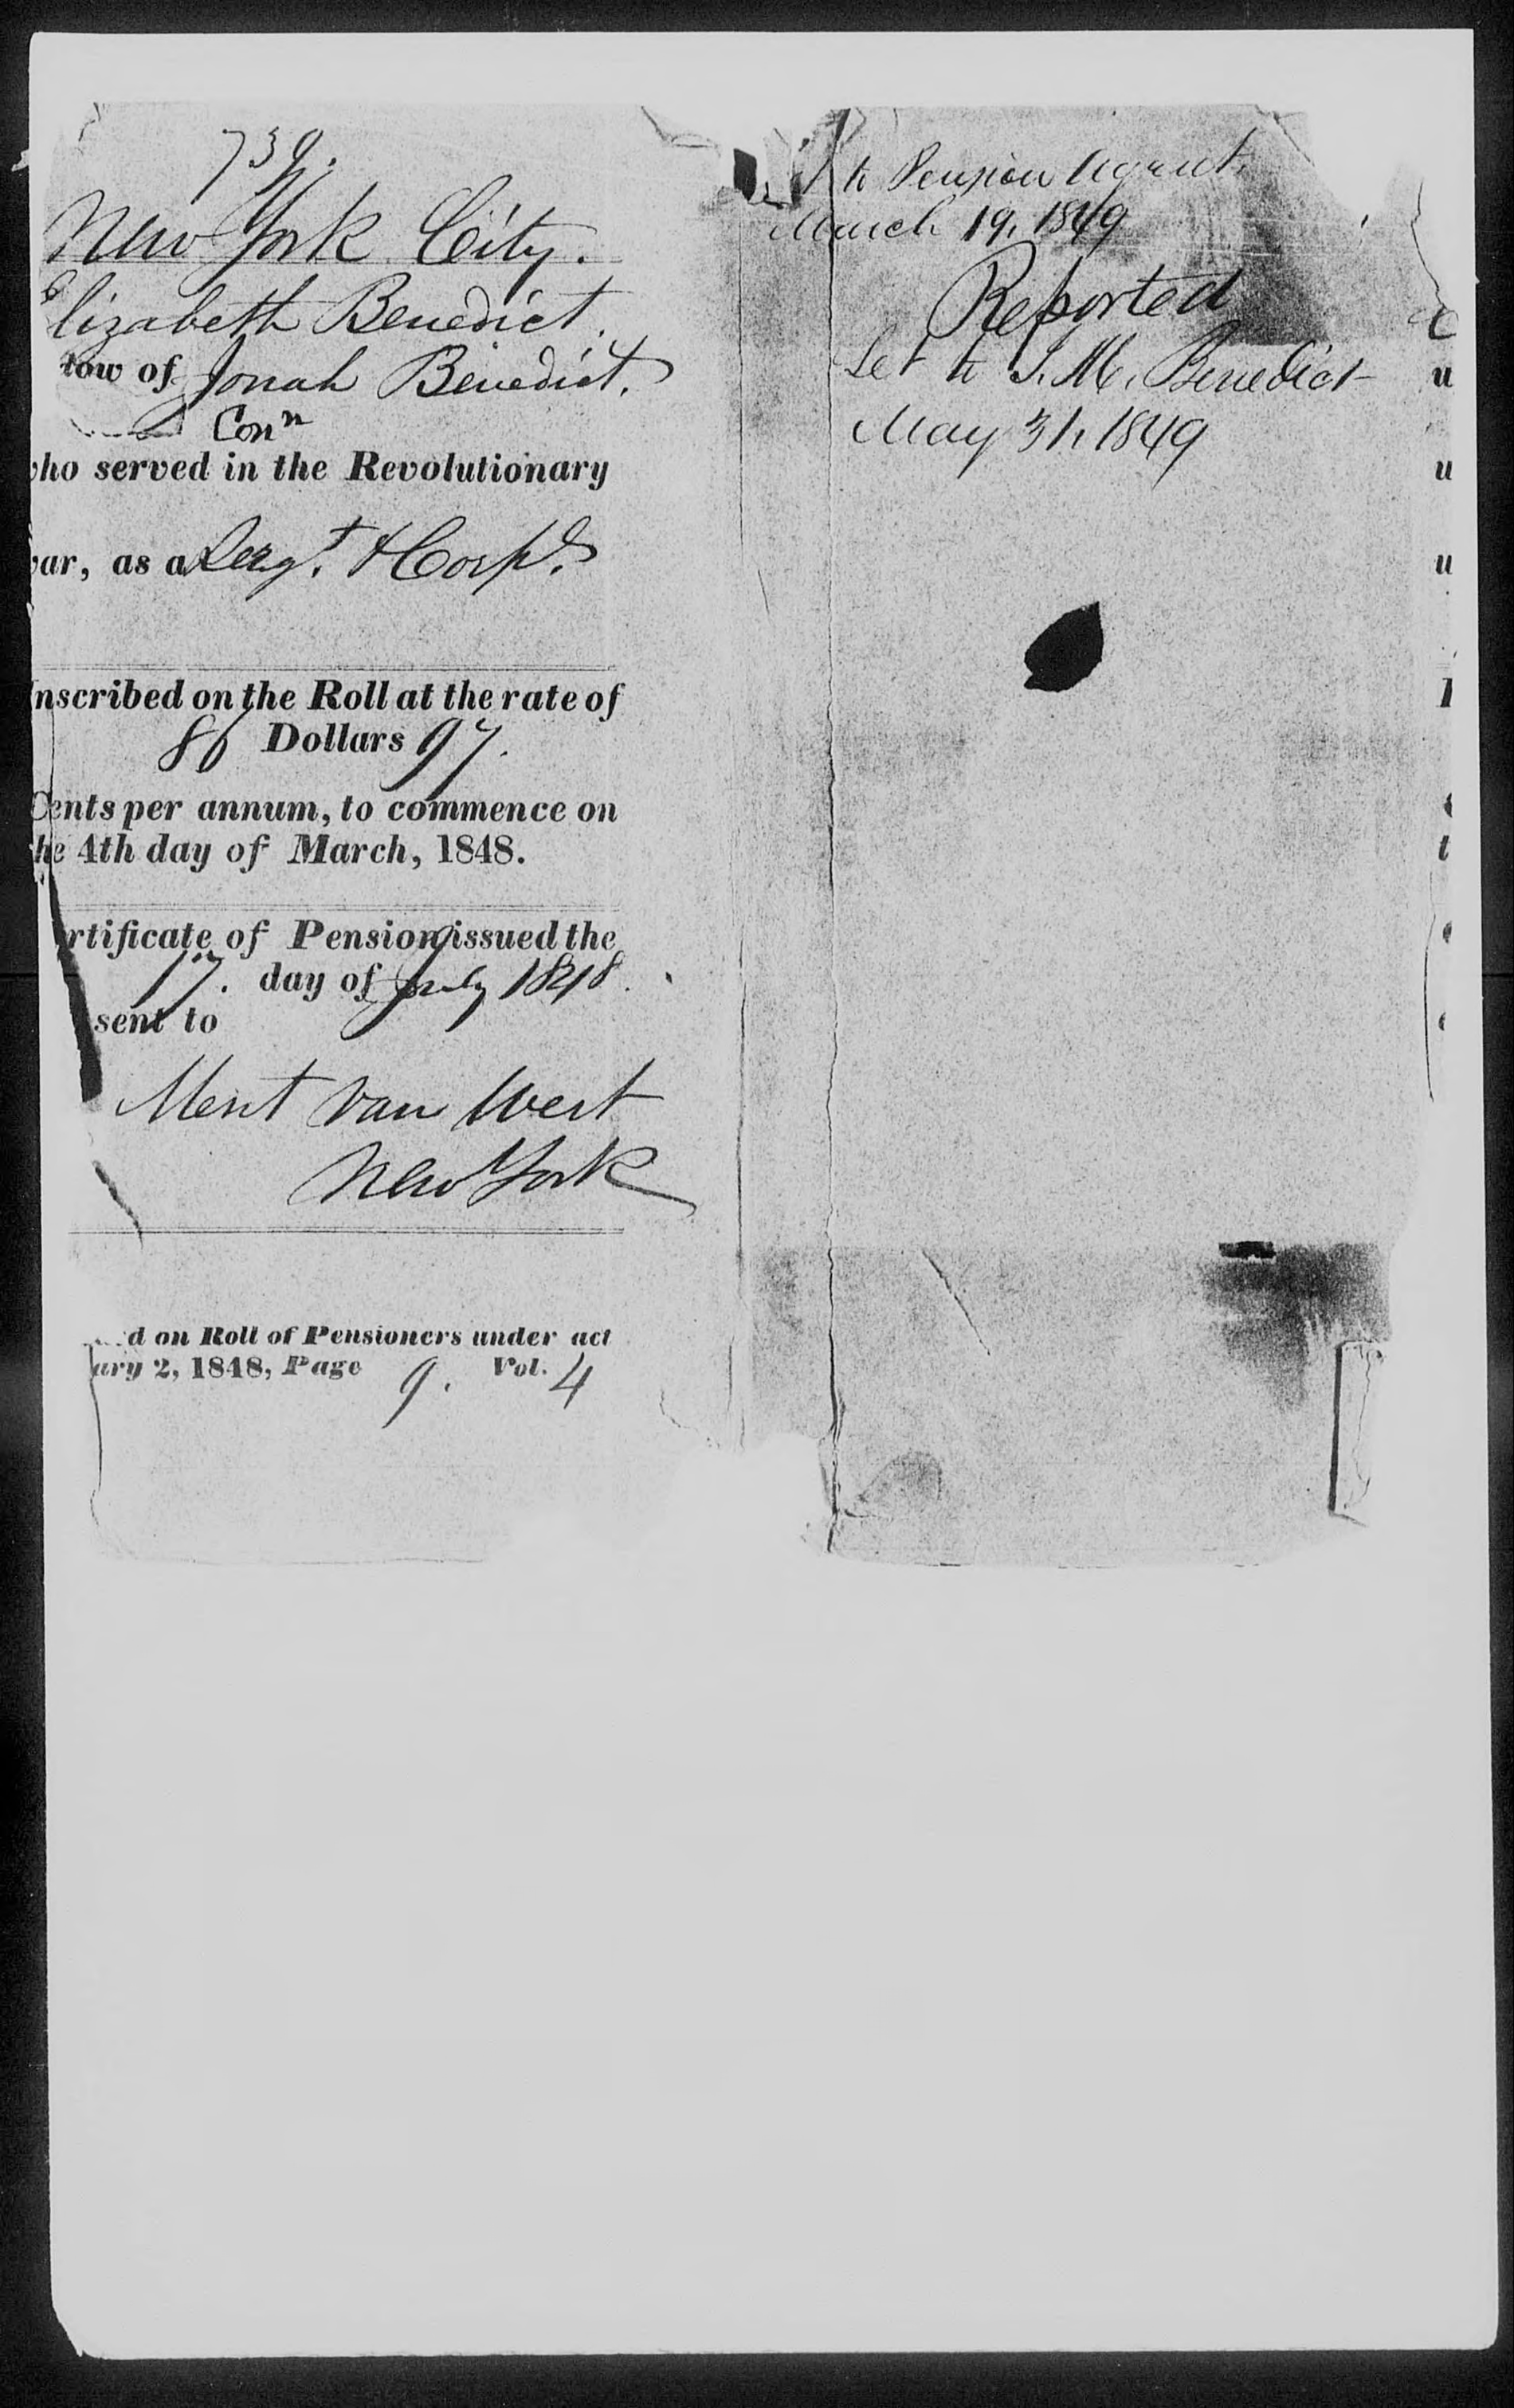739
New York City
Elizabeth Benedict
dow of Jonah Benedict,
         Conn
who served in the Revolutionary 
war, as Sergt & Corpl
____________________________________________
Inscribed on the Roll at the rate of
86Dollars 97
Cents per annum, to commence on
the 4th day of March, 1848.
_______________________________________________
Certificate of Pension issued the
17 day of July 1848
sent to
Merit Van West
New York
___________________________________________
d on Roll of Pensioners under act
ary 2, 1848, Page 9  Vol. 4

to Pension Agent
March 19, 1849
Reported
Let to J. M. Benedict
May 31, 1849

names: Jonah Benedict, J M Benedict, Elizabeth Benedict, Merit Van Wert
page: 2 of 56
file: [ILLEGIBLE], Jonah Benedict, Conn.